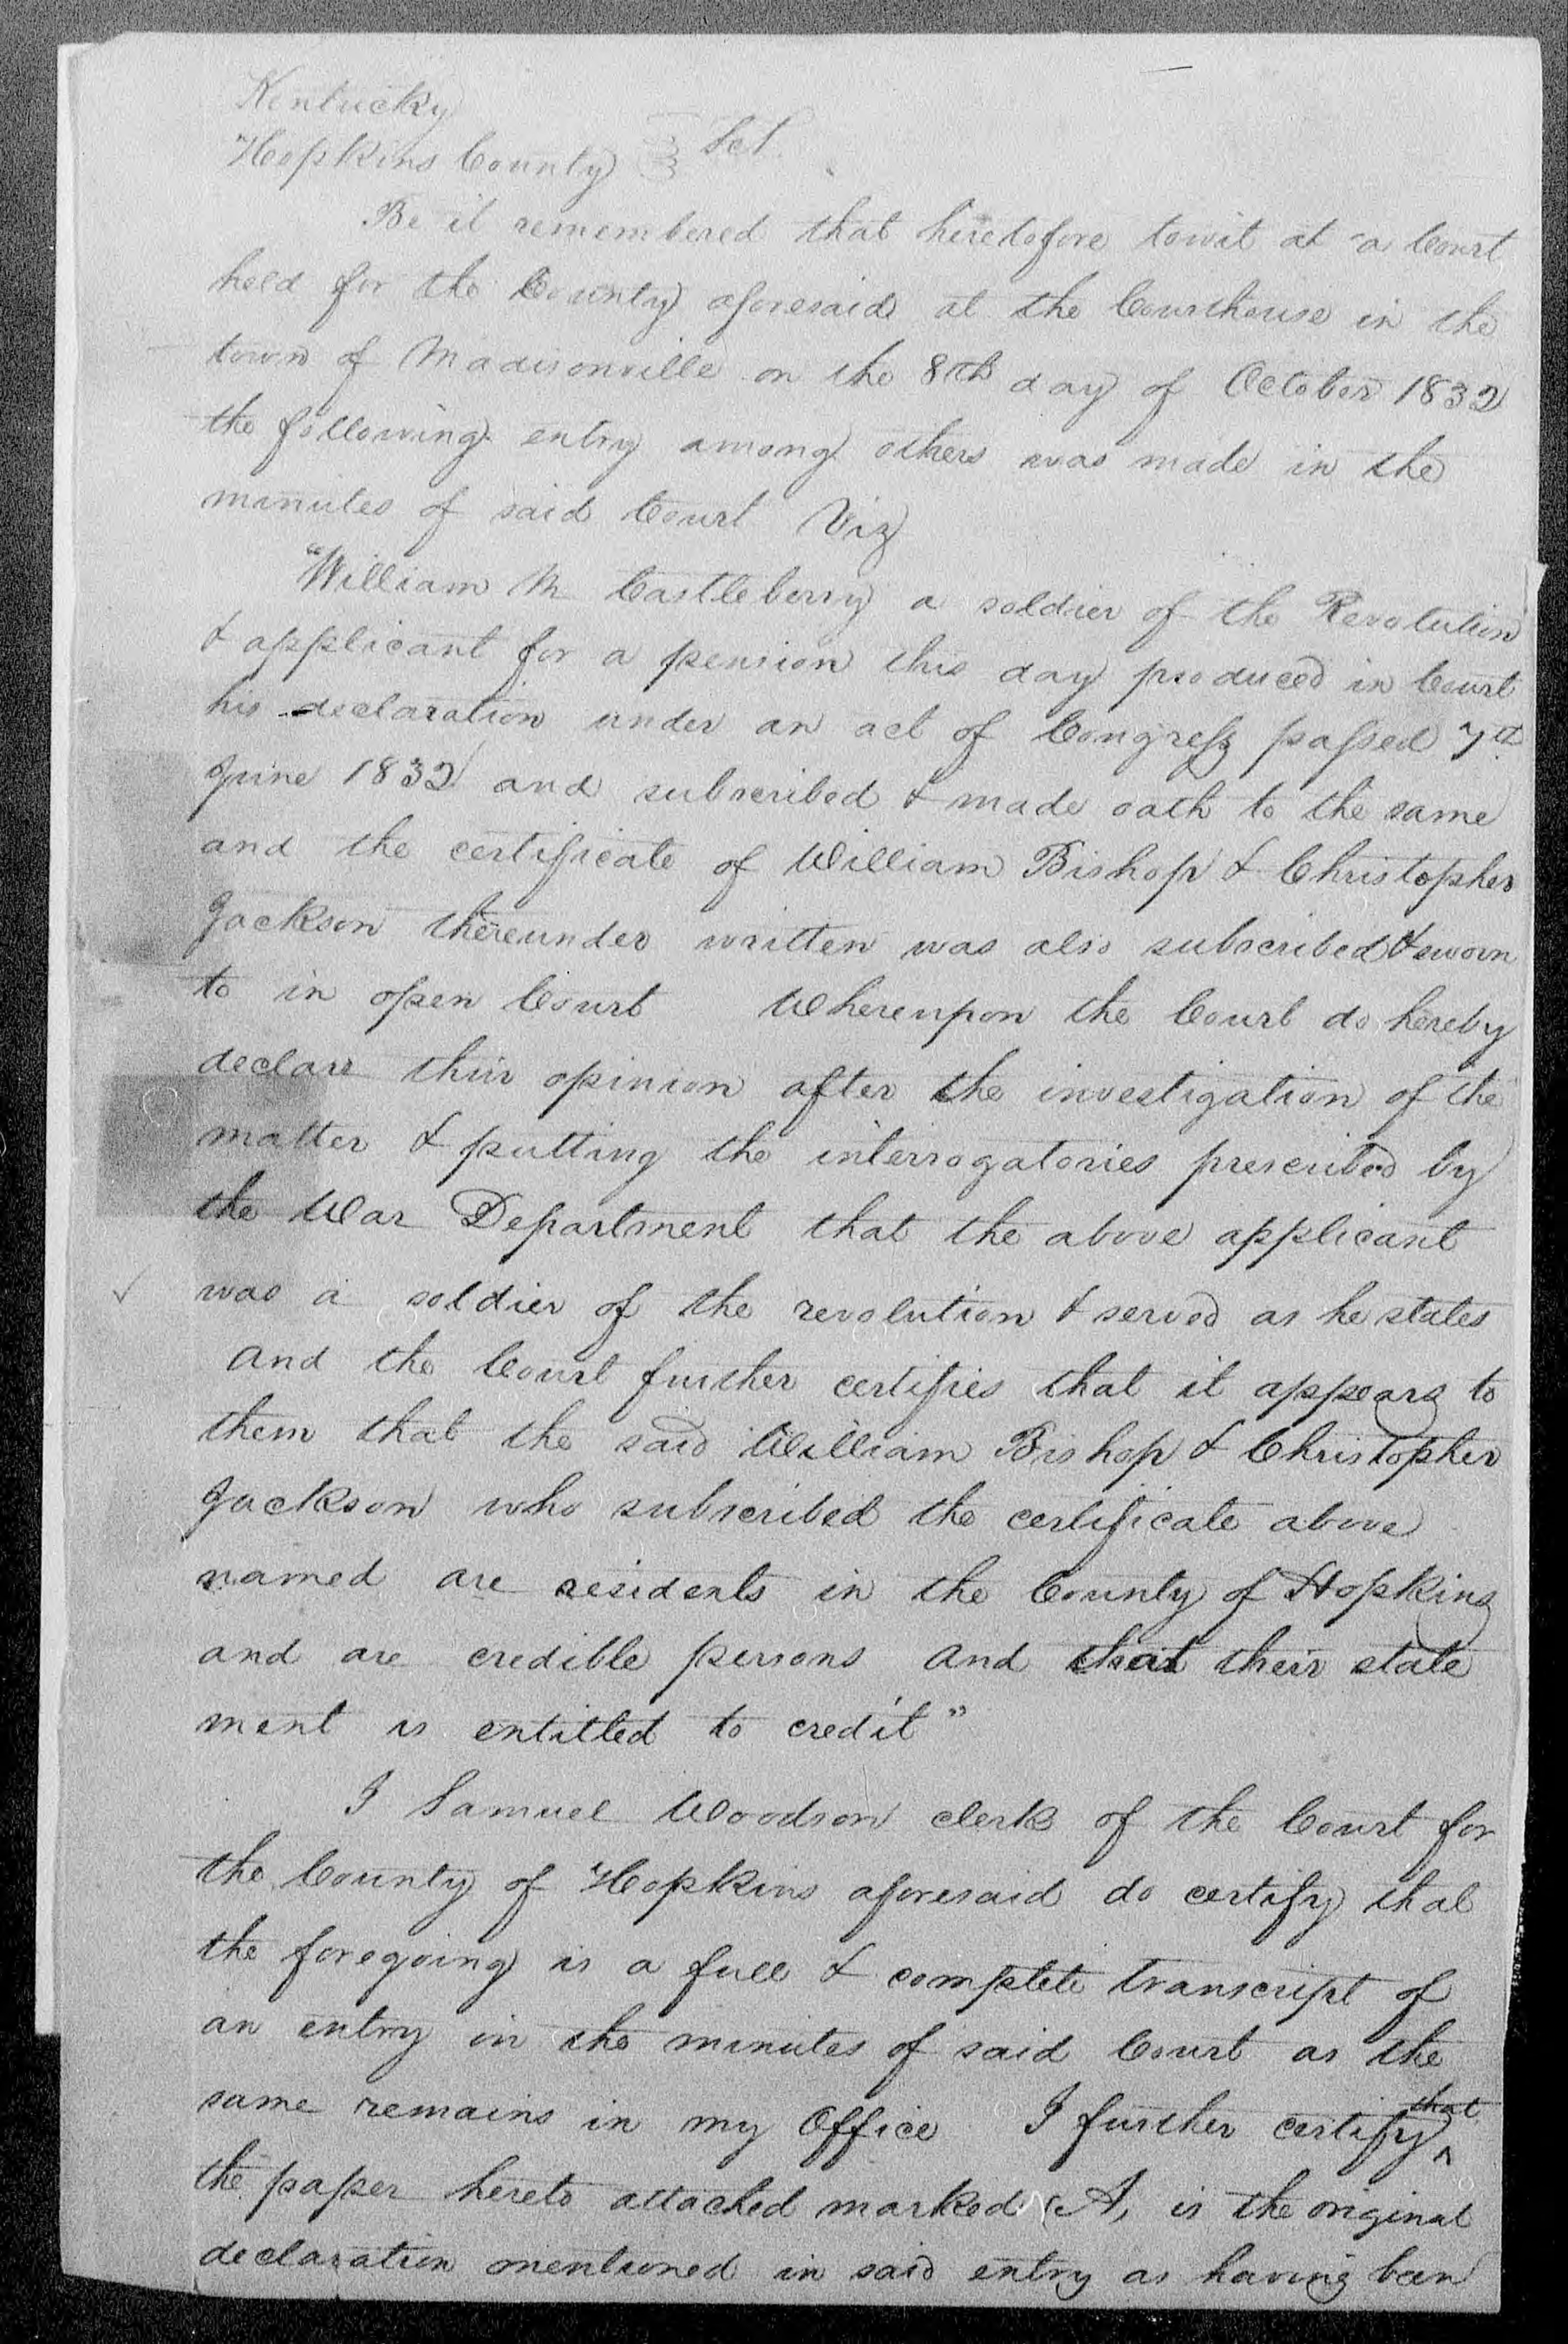Kentucky
Hopkins County ⎬ Sct
Be it remembered that heretofore to wit at a Court held for the County aforesaid at the Courthouse in the town of Madisonville on the 8th day of October 1832 the following entry among others was made in the minutes of said Court Viz
William M Castleberry a soldier of the Revolution & applicant for a pension this day produced in Court his declaration under an act of Congress passed 7th June 1832 and subscribed & made oath to the same and the certificate of William Bishop & Christopher
Jackson thereunder written was also subscribed & sworn to in open Court
Whereupon the Court do hereby declare their opinion after the investigation of the
matter & putting the interrogatories prescribed by the War Department that the above applicant was a soldier of the revolution & served as he states and the Court further certifies that it appears to them that the said William Bishop & Christopher Jackson who subscribed the certificate above named are residents in the County of Hopkins and are credible persons and that their statement is entitled to credit"
I Samuel Woodson clerk of the Court for
the County of Hopkins aforesaid do certify that the foregoing is a full & complete transcript of
an entry in the minutes of said Court as the same remains in my office I further certify that
the paper hereto attached marked A, is the original declaration mentioned in said entry as having been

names: Christopher Jackson, William M Castleberry, William Bishop, Samuel Woodson, William Bishop, Christopher Jackson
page: 12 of 20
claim: survivor's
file: S. 16,337, William M Castleberry, Ga.